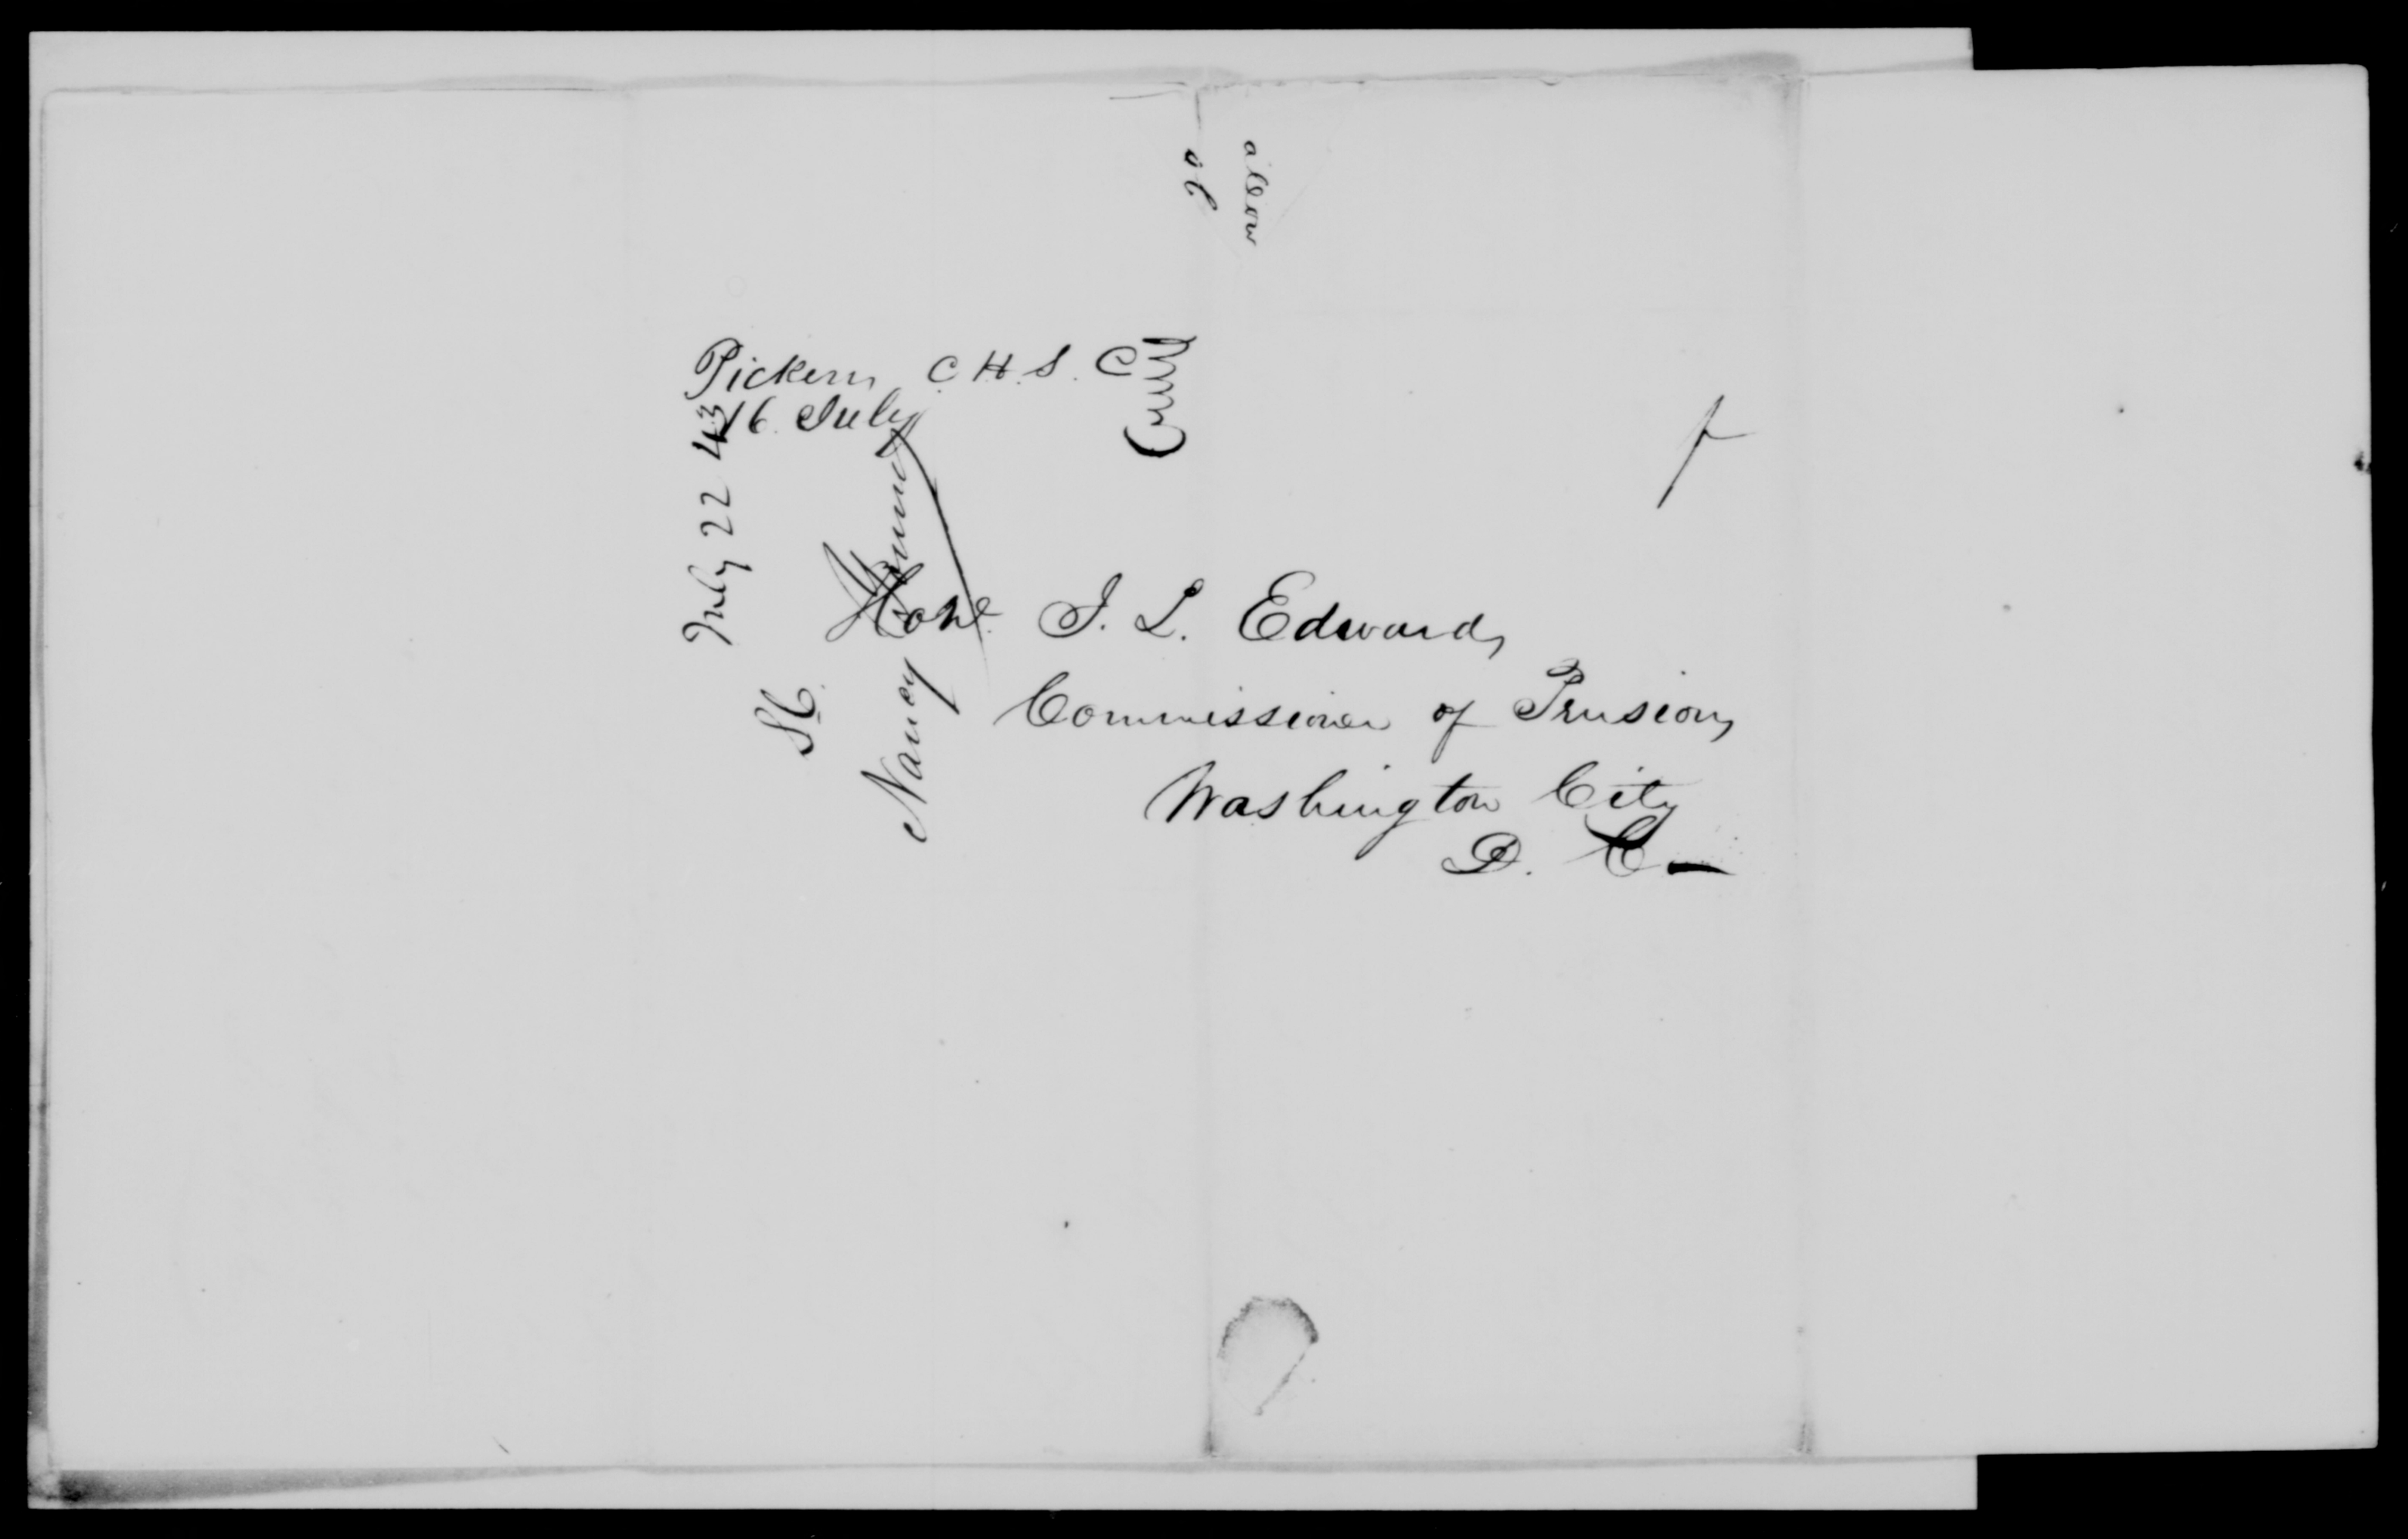Pickens C.H.S.C [Court House South Carolina]
16 July

Honl. [Honorable] J. [James] L. Edwards
Commissioner of Pensions
Washington City
D.C.

July 22 43 [1843]
S.C. [South Carolina] Nancy Young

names: J L Edwards, Nancy Young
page: 42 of 56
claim: widow's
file: W. 9040, Levi Young, Ga. New Jersey S.C.